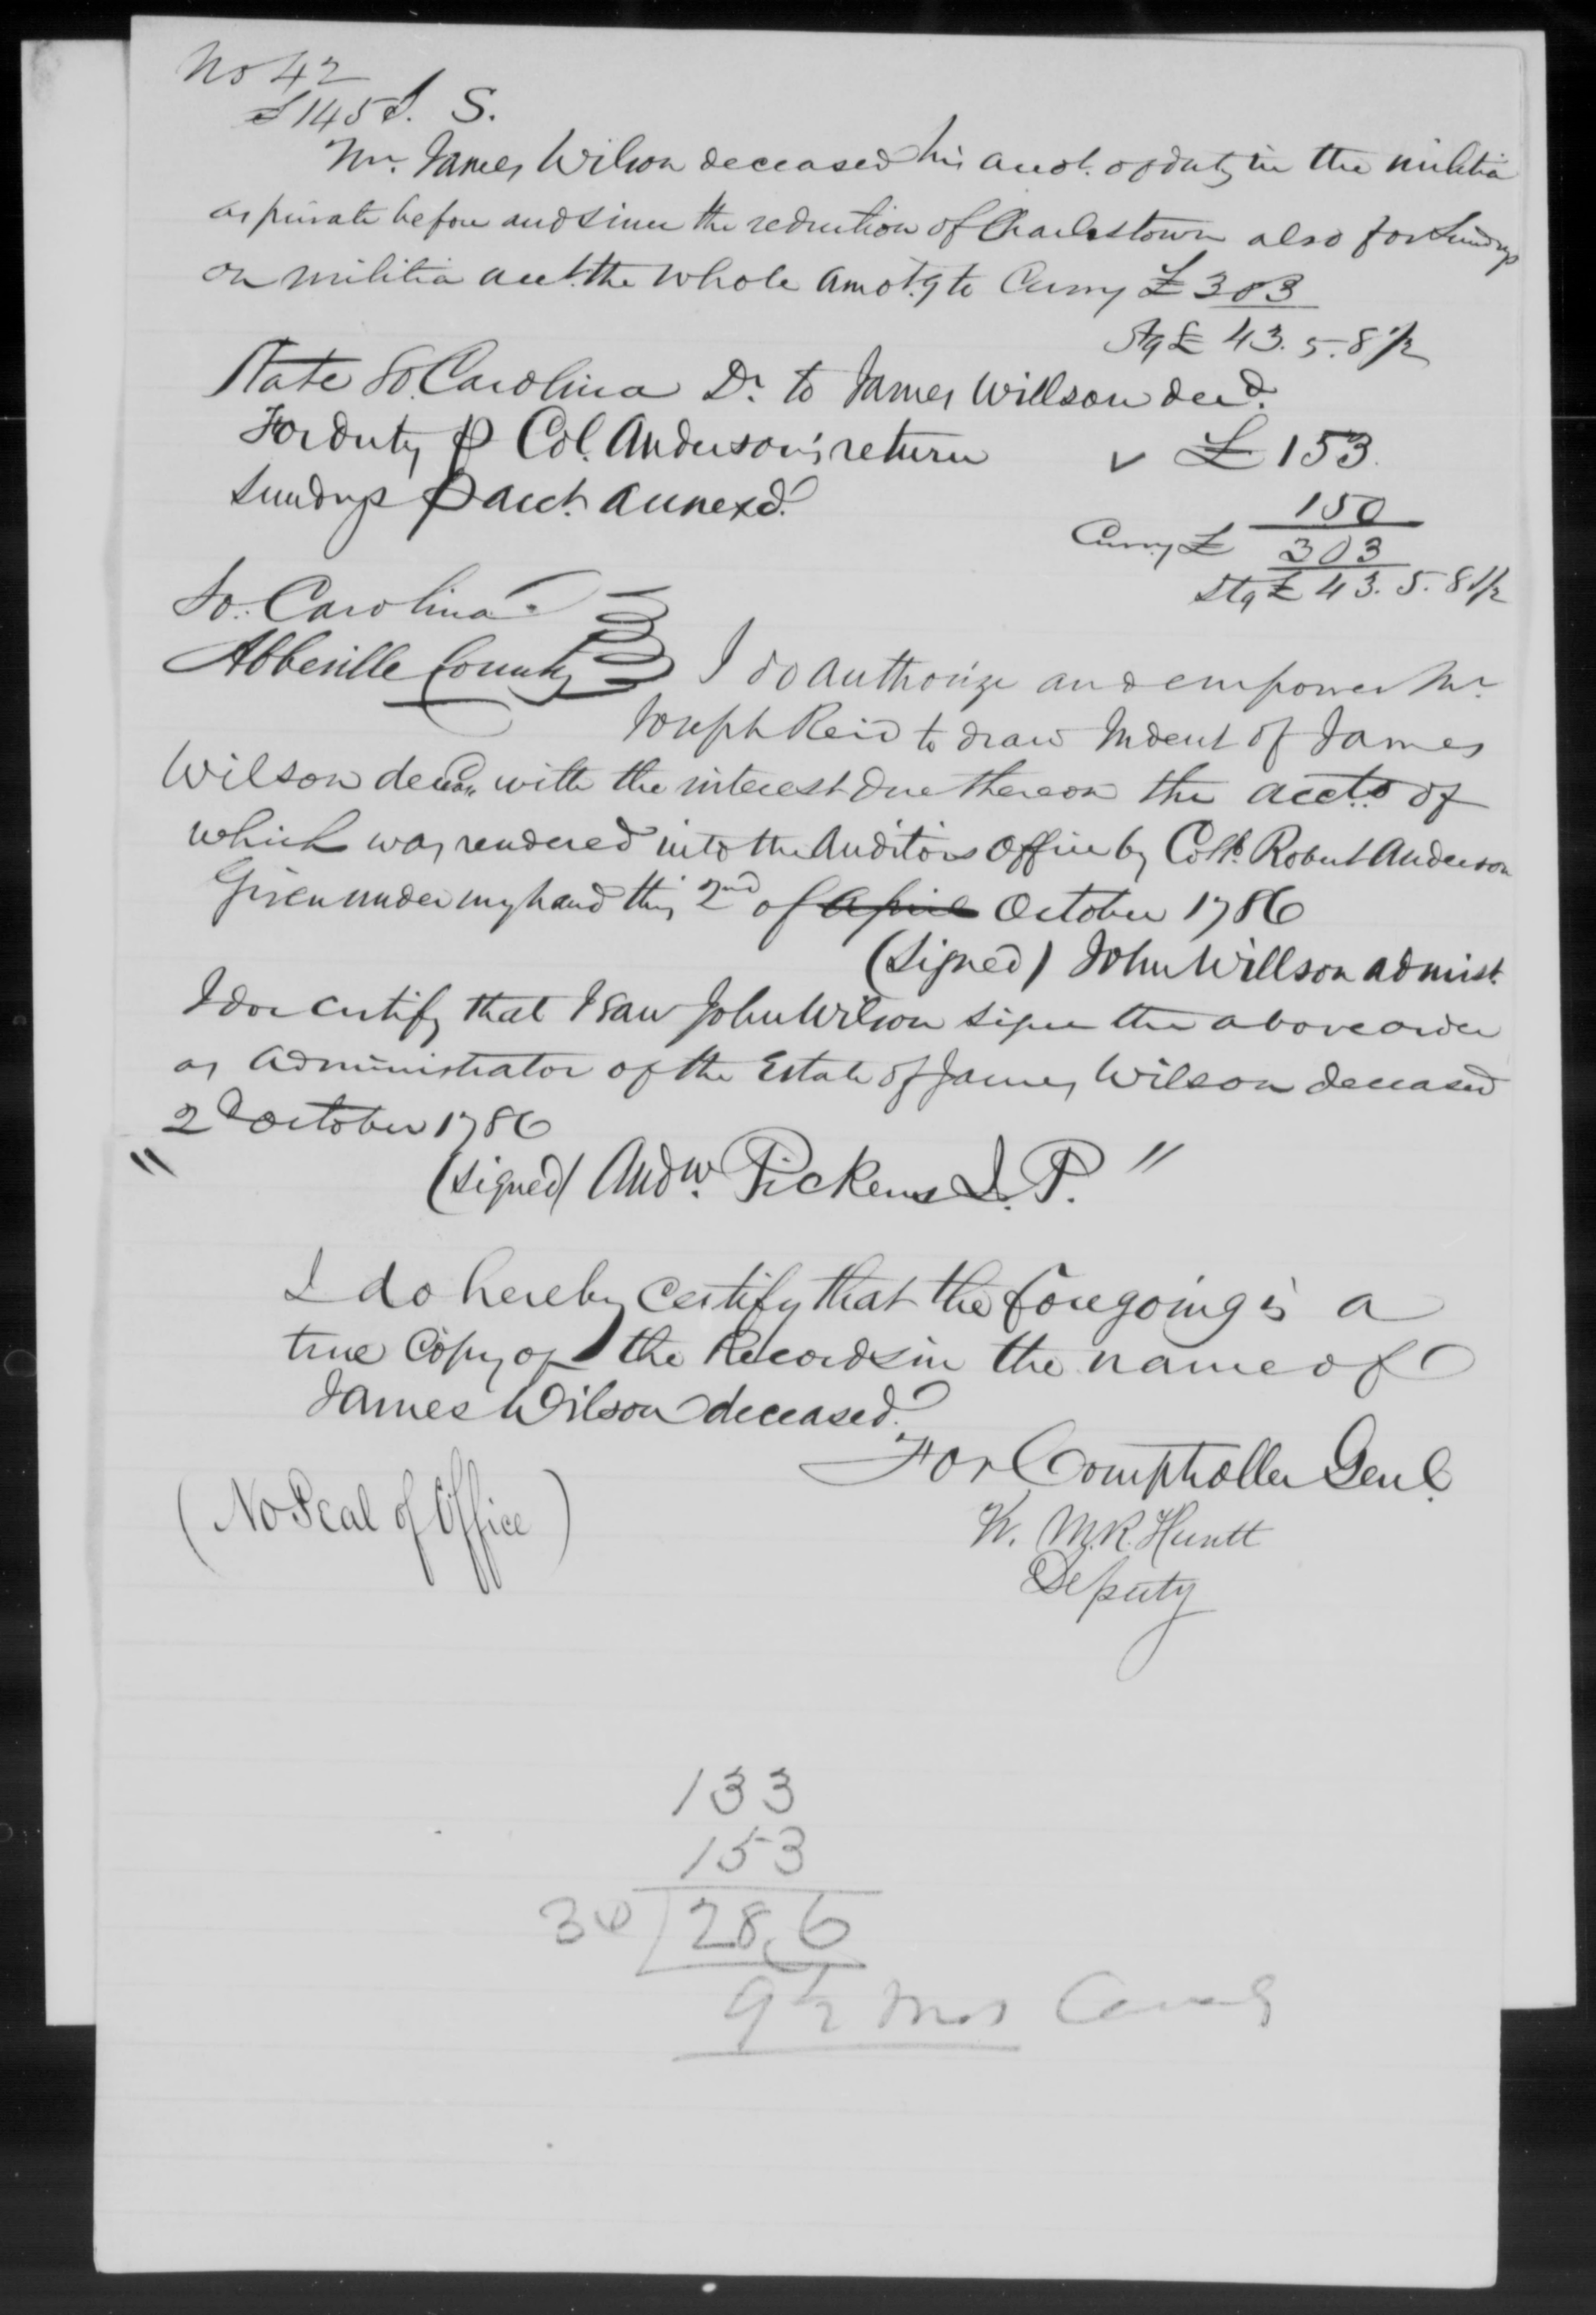No 42
145 L.S.
Mr. James Wilson deceased his acct. of duty in the militia
as private before and since the reduction of Charlestown also for [sundries?]
on militia acct. the whole amtg. to Cury £303
Stg £43.5.8 1/2

State So Carolina Dr. to James Willson decd.
for duty p Col Andersons return    £153
Sundrys p acct. annexed                  150
Curry                                               £303
Stg                                         £43.5.8 1/2

So. Carolina
Abbeville County 

I do authorize and empower Mr. 
Joseph Reid to draw Indent of James
Wilson deceased with the interest due thereon the accts. of 
which was rendered into the Auditors Office by Coll. Robert Anderson 
Given under my hand this 2nd of October 1786

(Signed)  John Willson admist.

I do certify that I saw John Wilson sign the above order
as administrator of the Estate of James Wilson deceased
2d October 1786

"(Signed) Andw. Pickens J. P."

I do hereby certify that the foregoing is a 
true copy of the Records in the name of 
James Wilson deceased.

For Comptroller Genl.
Mr. M. R. Huntt
Deputy

(No Seal of Office)


133
153
---------
286 [divided by]
30
------
9 1/2 mos [Cavly?]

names: Joseph Reid, M R Huntt, James Wilson, Andw Pickens, Robert Anderson, John Willson, John Wilson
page: 18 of 18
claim: rejected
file: R. 195, James Wilson, S. C.